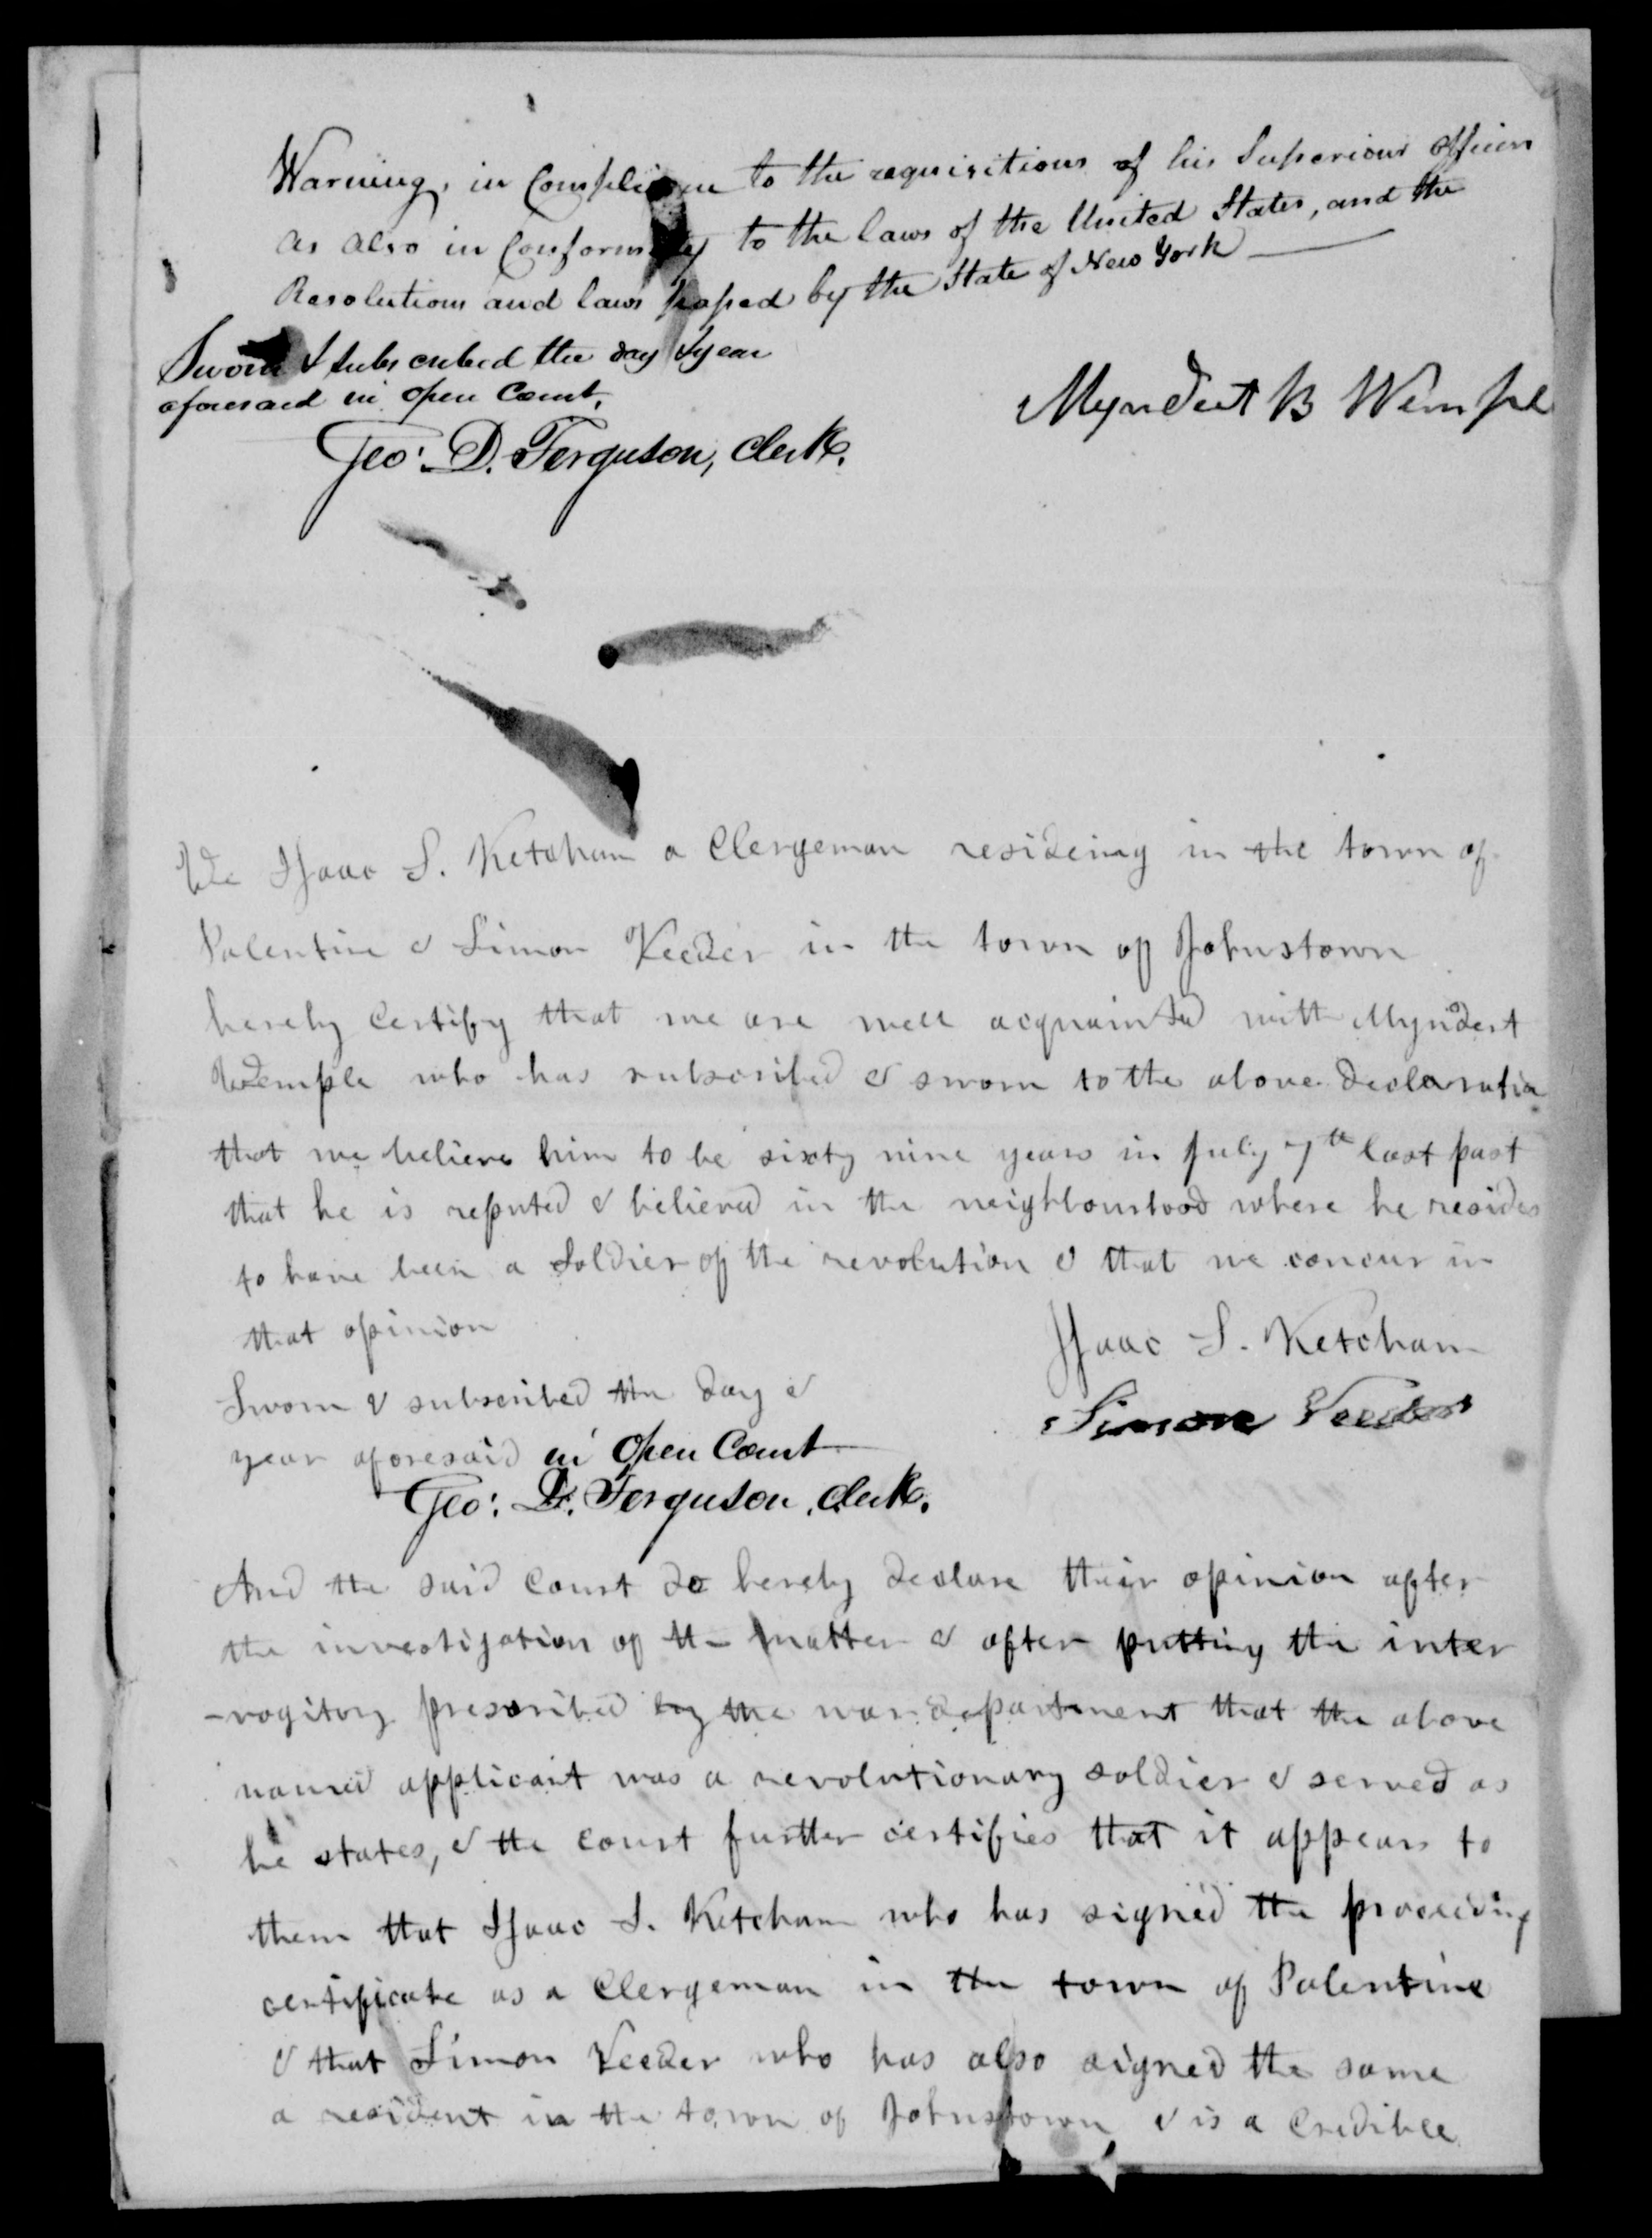Warning, in compliance to the requisitions of his Superiour(superior?) officer
as also in conform(ity?) to the laws of the United States, and the
Resolution and laws passed by the State of New York---

Sworn & subscribed the day & year
aforesaid in open Court,
Geo: D. Ferguson, Clerk.
Myndert B Wemple

We Isaac S. Ketcham a Cleryeman (Clergyman) residing in the town of
Palentin(Palatine) & Simon Veeder in the town of Johnstown
hereby certify that we are well acquainted with Myndert
Wemple who has subscribed & sworn to the above declaration
that we believe him to be sixty nine years in July 7th last past
that he is reputed & believed in the neighbourhood where he resides
to have been a soldier of the revolution & that we concur in
that opinion

Sworn & subscribed the day & 
year aforesaid in Open Court
Geo: D. Ferguson, Clerk.
Isaac S. Ketcham
Simon Veeder

And the said Court do hereby declare their opinion after
the investigation of the matter & after putting the interrogitory(interrogatory?)
prescribed by the war department that the above
named applicant was a revolutionary soldier & served as
he states, & the Court further certifies that it appears to
them that Isaac S. Ketcham who has signed the proceeding
certificate as a Clergeman(Clergyman) in the town of Palentine(Palatine)
& that Simon Veeder who has also signed the same
a resident in the town of Johnstown & is a credible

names: Myndert B Wemple, Simon Keeder, Geo D Ferguson, Isaac S Ketcham, Myndert Wemple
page: 8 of 51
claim: widow's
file: W. 19604, Myndert B Wemple, New York